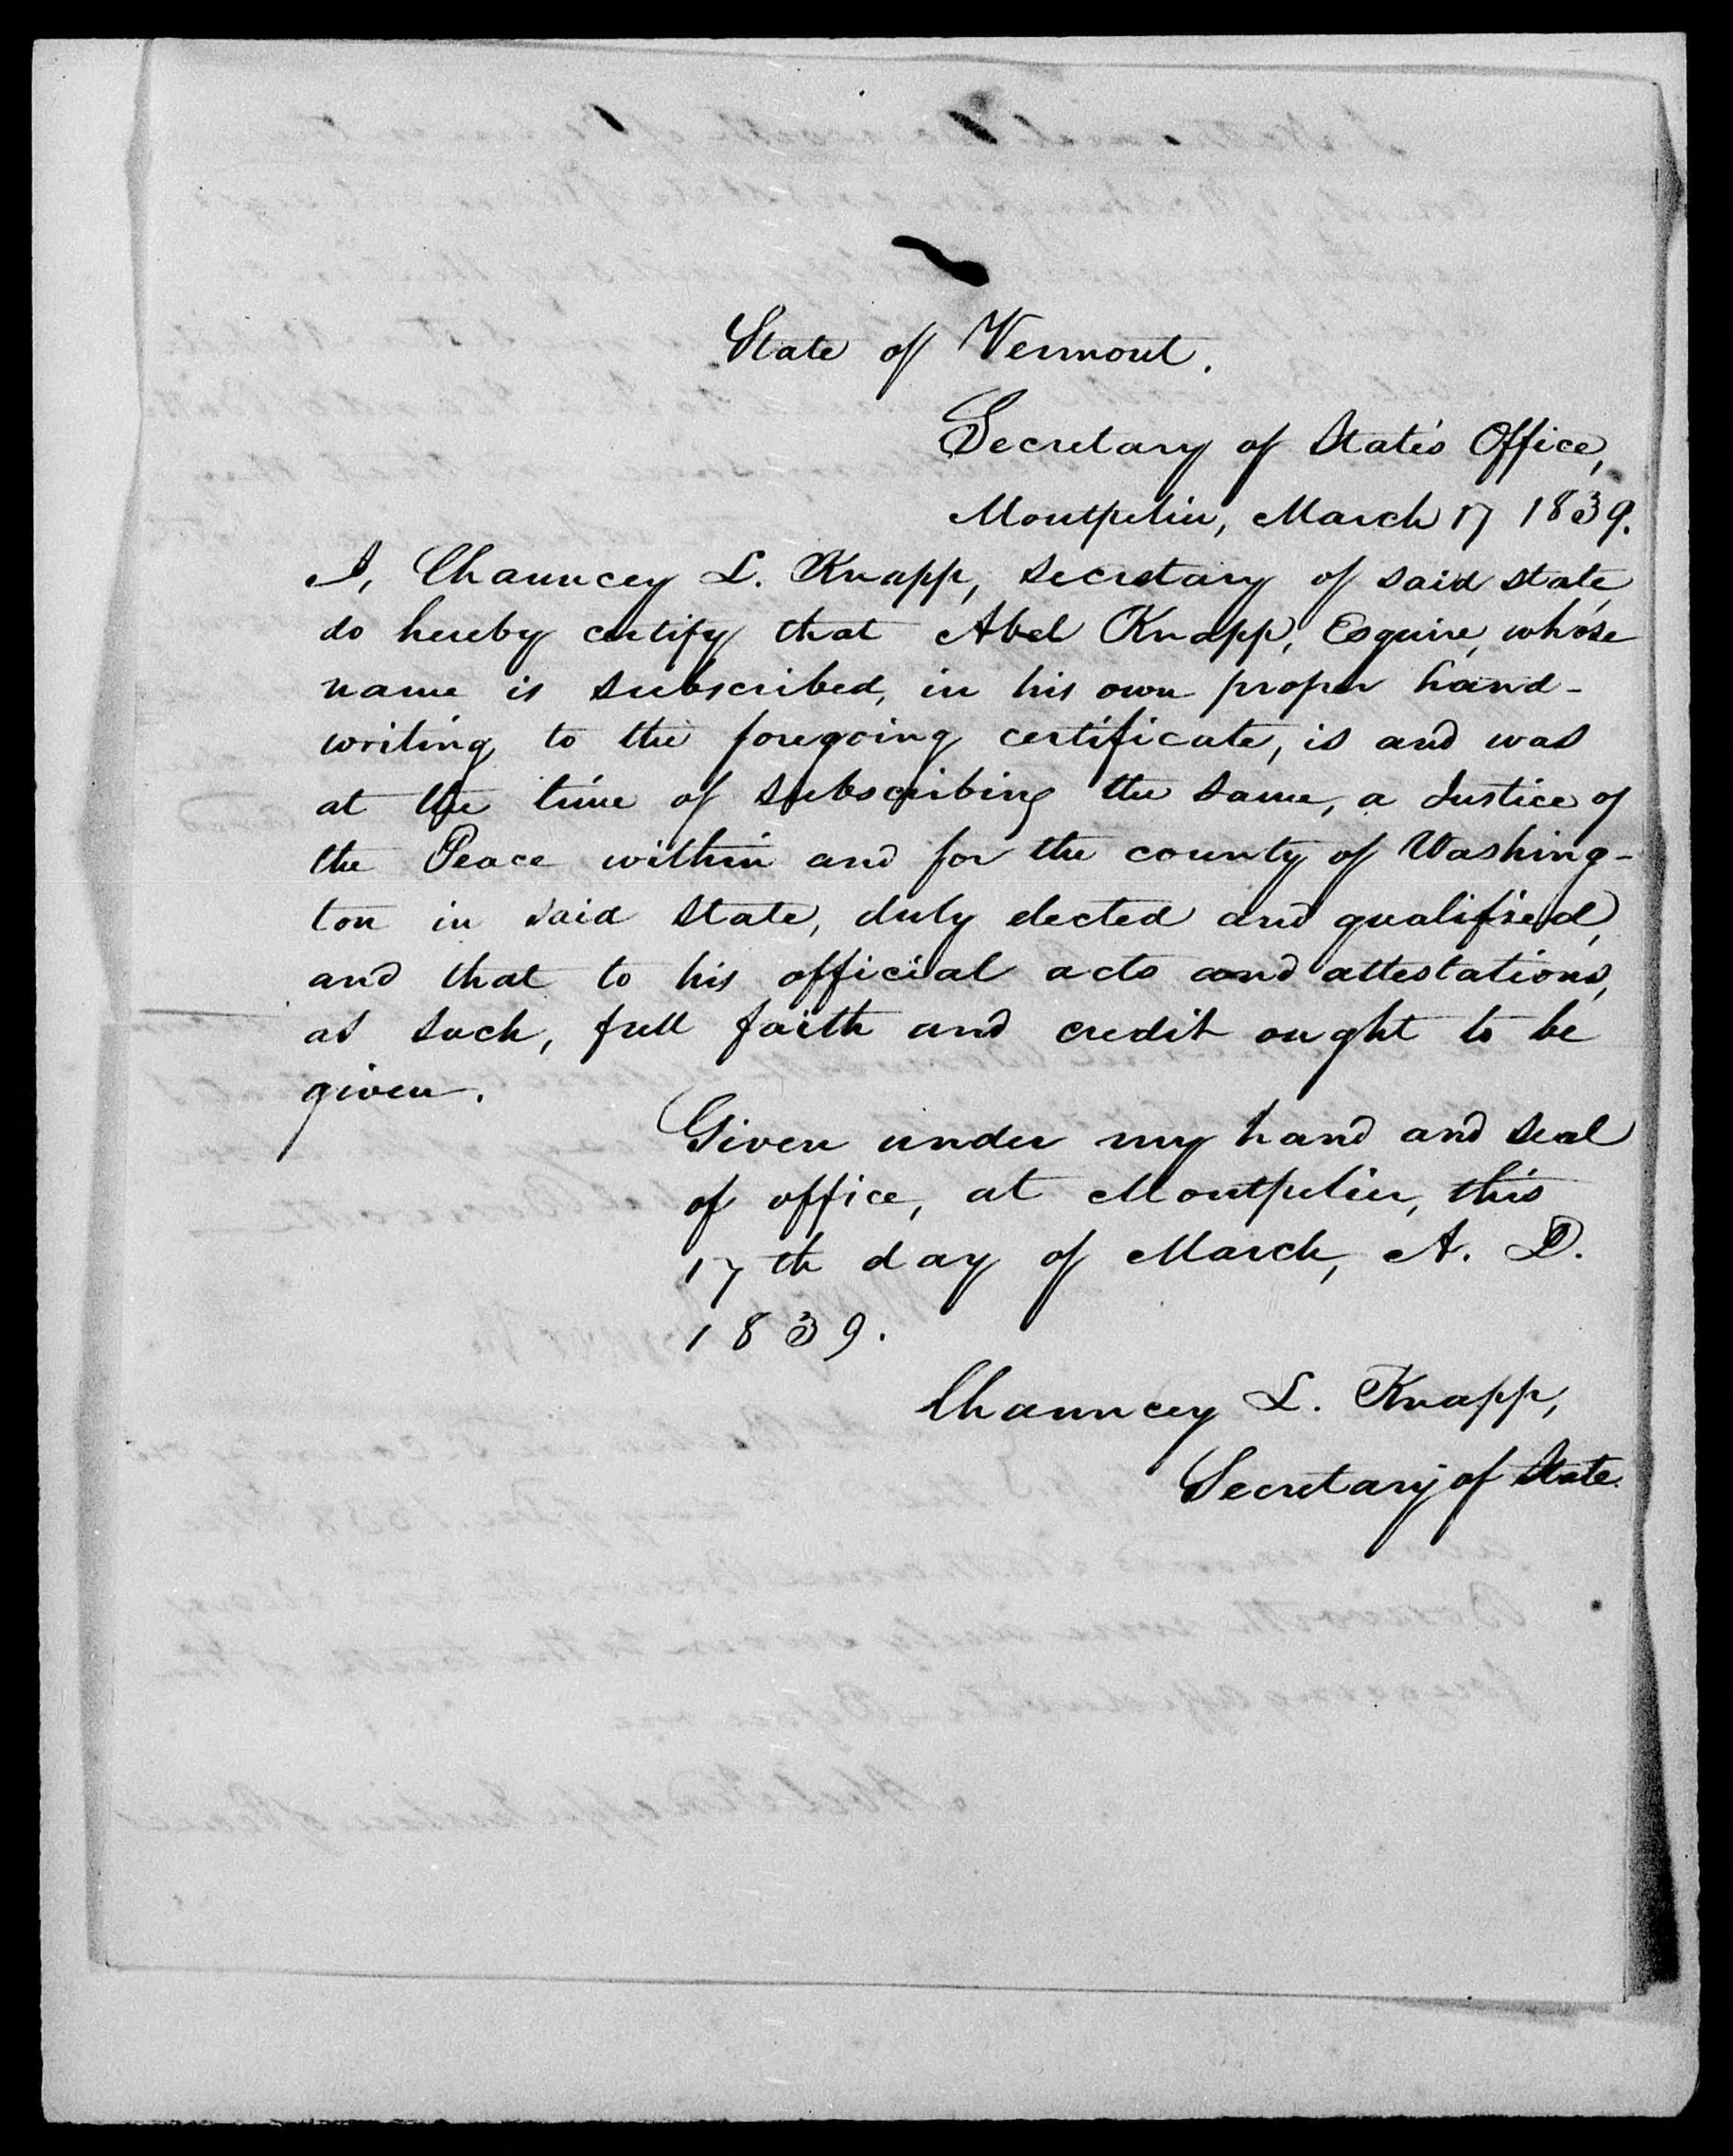State
of Vermont
Secretary of States Office
Montpelin, March 17 1839.
full faith and credit ought
Given under my hand and seal
of office, at Montpelier, this
17th day of March, A.D.
Chauncey L. Knapp,
Secretary of State
I, Chauncey L. Knapp, Secretary of said state
do hereby certify that Abel Knapp, Esquire, whose ┃
name is subscribed, in his own proper hand
writing to the foregoing certificate, is and was
at the time of subscribing the same, a Justice of
the Peace within and for the County of Washing
ton in said State, duly elected and
qualified
and that to his official acts and attestations
as such
to be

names: Chauncey L Knapp, Chauncey L Knapp, Abel Knapp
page: 41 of 42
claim: widow's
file: W. 19,722, Ira Hand, N.H. Vt.